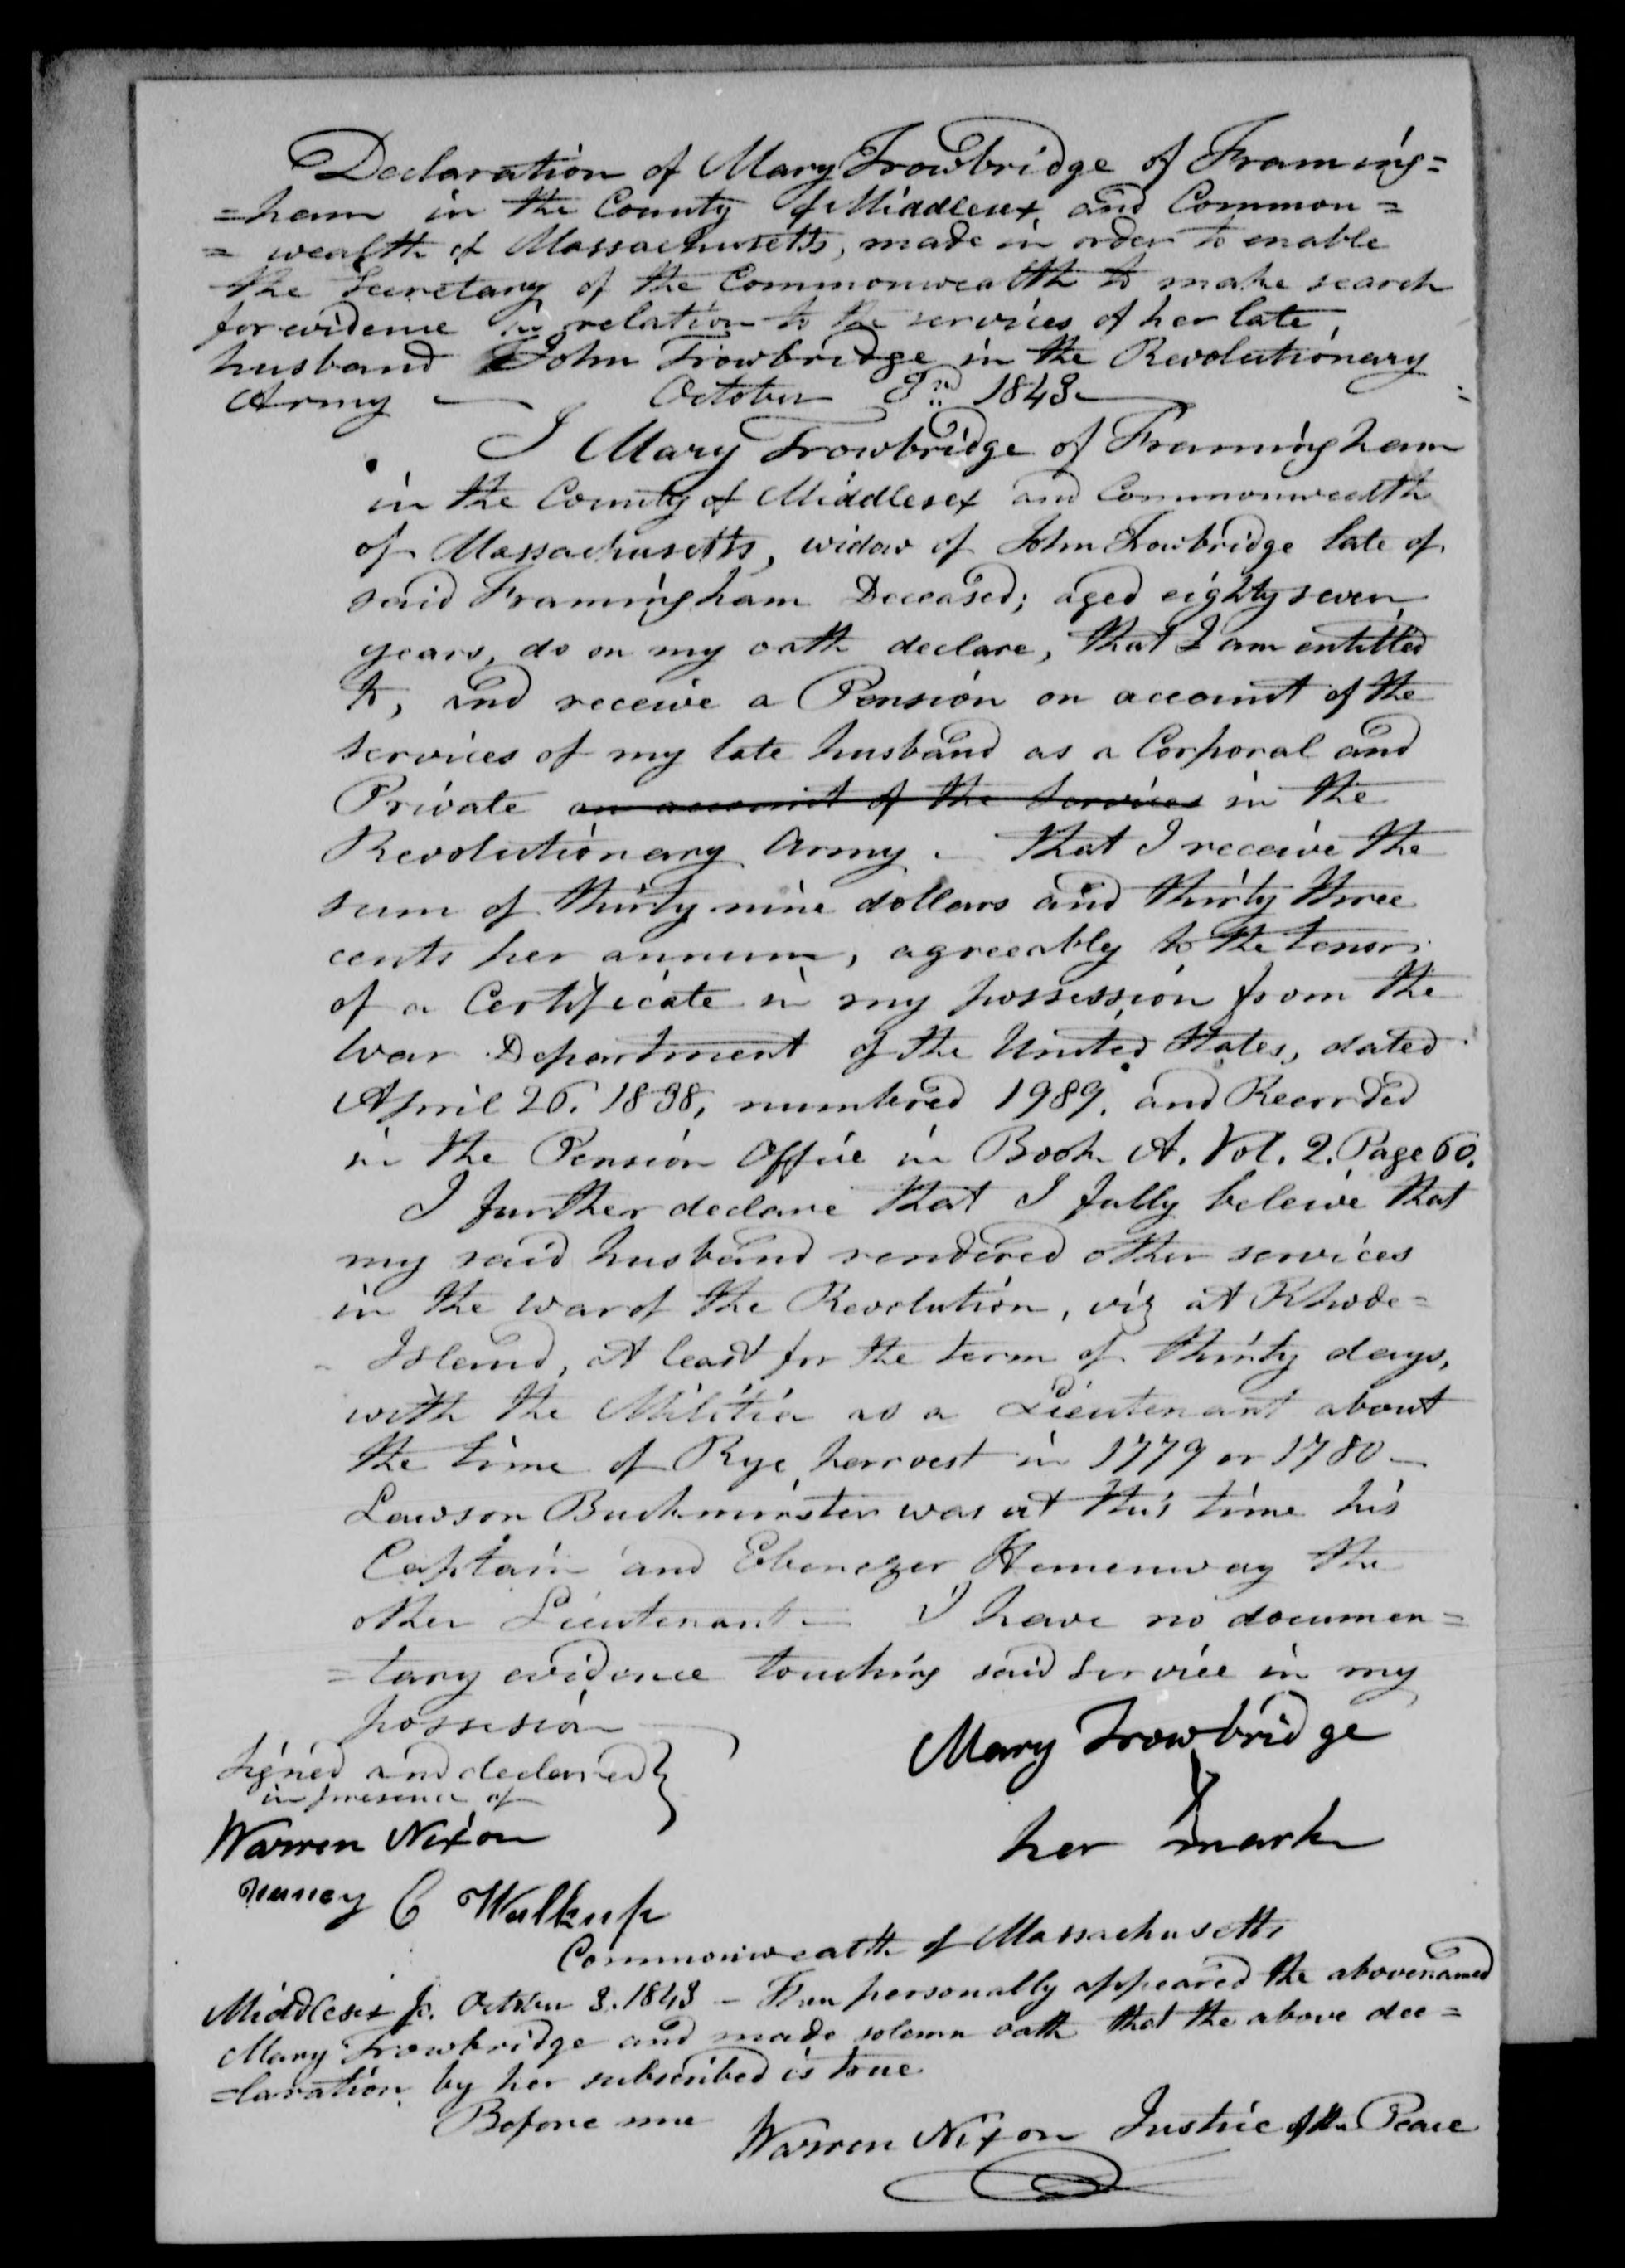Declaration of Mary Trowbridge of Framingham in the County of Middlesex and Commonwealth of Massachusetts made in order to enable the Secretary of the Commonwealth to make search for evidence in relation to the services of her late husband John Trowbridge in the Revolutionary Army
October 3d 1843
I Mary Trowbridge of Framingham in the County of Middlesex and Commonwealth of Massachusetts, widow of John Trowbridge late of said Framingham deceased; aged eight seven years, do on my oath declare, that I am entitled to and receive a Pension on account of the services of my late husband and a Corporal and Private in the Revolutionary Army. that I receive the sum of thirty nine dollars and thirty three cents per annum, agreeable to the tenor of a Certificate in my possession from the War Department o the United States dated April 26, 1838, numbered 1989 and Recorded in the Pension Office in Book A. Vol 2. page 60.
I further declare that I fully believe that my said husband rendered other services in the War of the Revolution, viz at Rhode Island at least for the term of thirty days, with the Militia as a Lieutenant about the time of Rye harvest in 1779 or 1778. Lawson Buckminster was at this time his Captain and Ebenezer Hemenway the other Lieutenant-I have no documentary evidence touching said service in my possession.
Mary Trowbridge
X her mark
Signed and declared in presence
 of Warren Nixon 
Nancy C. Walkup
Commonwealth of Massachusetts
Middlesex SS. October 3. 1843 Then personally appeared the above named Mary Trowbridge and made solemn oath that the above declaration by her subscribed is true.
Before me
Warren Nixon Justice of the Peace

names: Nancy C Walkup, Mary Trowbridge, Mary Trowbridge, John Trowbridge, Mary Trowbridge, Warren Nixon, Ebenezer Hememway, John Trowbridge, Mary Trowbridge, Warren Nixon, Lawson Buckminster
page: 27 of 34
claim: widow's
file: W. 15439, John Trowbridge, Mass.